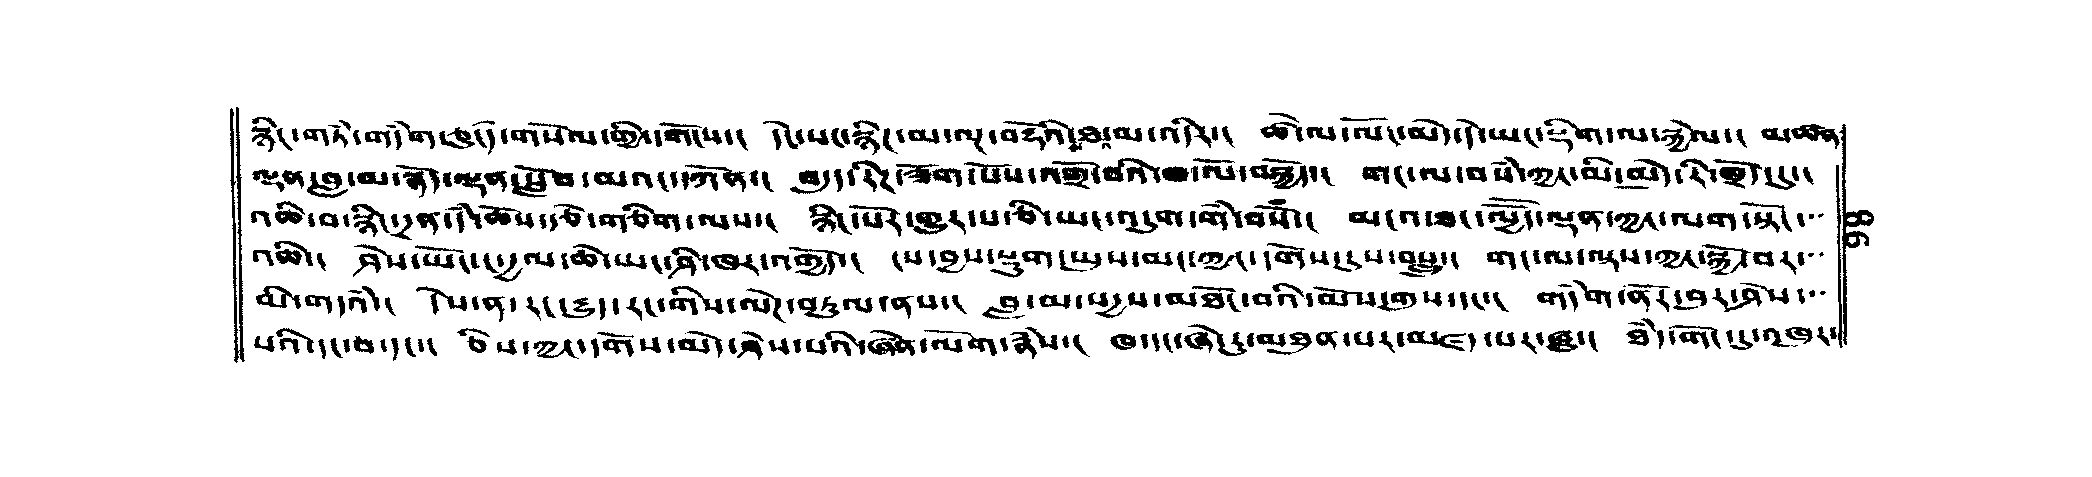སྙིང་གཏམ་གདམས་ངག་ཅུང་ཟད་གསོལ་གྱི་དགོངས། །དེང་སང་སྙིགས་མ་ལྔ་བདོའི་ཐ་མ་འདིར། །ཚེ་ལ་ལོང་མེད་དེ་ཡང་སྡིག་ལ་སྐྱེལ། །མཚན་
ལྡན་བླ་མ་སྣོད་ལྡན་སློབ་མའང་དཀོན། །བདུད་རིགས་ཟོག་པོས་འགྲོ་བའི་ཁ་ལོ་བསྐྱོད། །གང་ལ་བསམ་ཀྱང་མི་མེད་རི་ཁྲོད་དུ། །
འཆི་བ་སྙིང་དྲན་དམ་ཆོས་རྩེ་གཅིག་ལས། །སྙིང་པོར་གྱུར་བ་ཅི་ཡང་འདུག་གམ་སོམས། །མངའ་ཐང་ལོངས་སྤྱོད་ལྡན་ཀྱང་ལག་སྟོང་
འཆི། །ཤེས་ཡོན་ང་རྒྱལ་ཆེ་ཡང་ཤི་ཁར་འགྱོད། །ངས་བྱས་སྡུག་ཡུས་མང་ཀྱང་དགོས་དུས་བསླུ། །གང་ལ་བལྟས་ཀྱང་སྐྱོ་བར་
མི་གདའ་འམ། །དེས་ན་རང་རྒྱུད་རང་གིས་ལེགས་བཏུལ་ནས། །བླ་མ་སངས་རྒྱས་མཐོང་བའི་མོས་གུས་དང་། །གདམས་ངག་ནོར་བུར་ཤེས་
པའི་དང་བ་དང་། །ཅིས་ཀྱང་དགོས་མེད་ཤེས་པའི་ཞེན་ལོག་རྣམས། །ཁ་དང་ཞེ་རུ་མཐུན་པར་མཛད་པར་ཞུ། །ཐམས་ཅད་གོང་དུ་འཁུར་